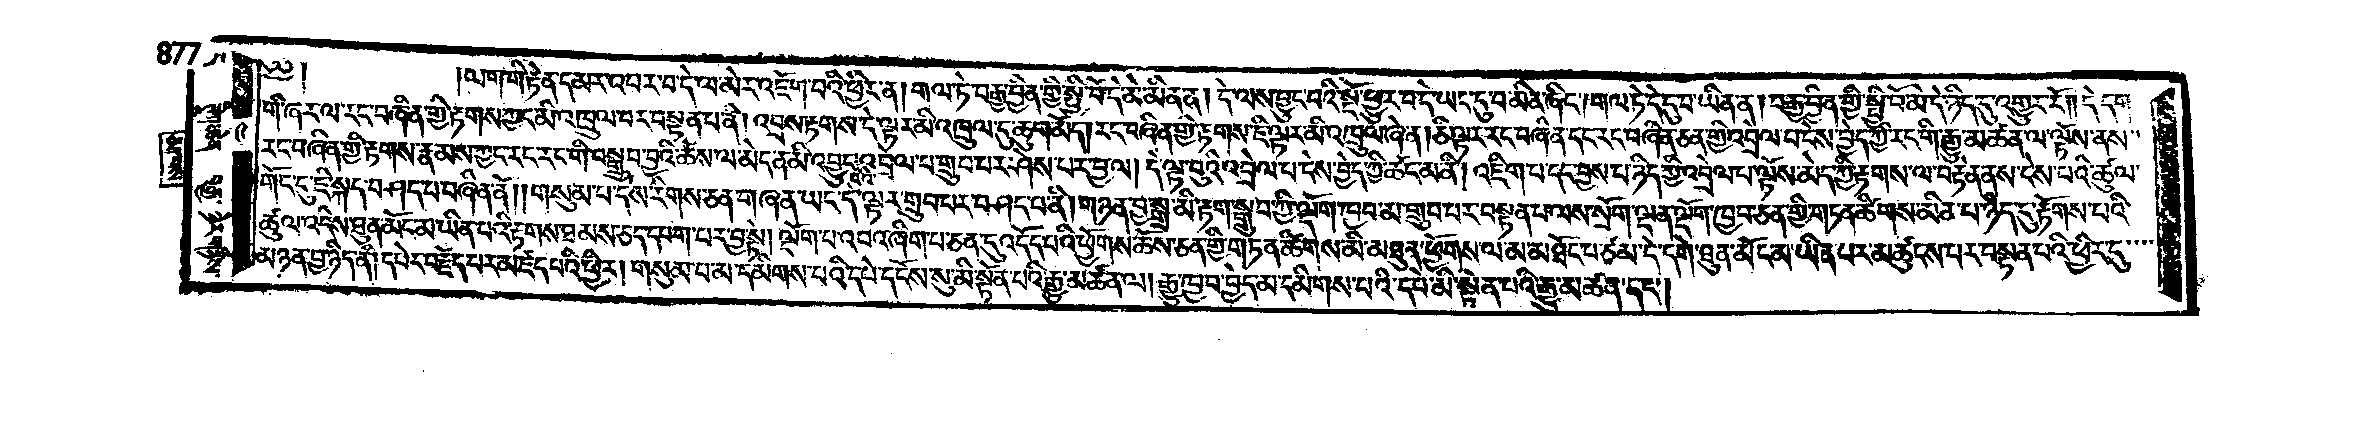༄༅། །ལག་གི་རྟེན་དམར་འབར་བ་དེ་ལ་མེར་འཇོག་པའི་ཕྱིར་ན། གལ་ཏེ་བརྒྱ་བྱིན་གྱི་སྤྱི་བོ་དེ་མེ་མིན་ན། དེ་ལས་བྱུང་བའི་སྔོ་ཕྱུར་བ་དེ་ཡང་དུ་བ་མིན་ཞིང་། གལ་ཏེ་དེ་དུ་བ་ཡིན་ན། བརྒྱ་བྱིན་གྱི་སྤྱི་བོ་མེ་དེ་ཉིད་དུ་འགྱུར་རོ། །དེ་དག་
གི་ཞར་ལ་རང་བཞིན་གྱི་རྟགས་ཀྱང་མི་འཁྲུལ་བར་བསྟན་པ་ནི། འབྲས་རྟགས་དེ་ལྟར་མི་འཁྲུལ་དུ་ཆུག་མོད། རང་བཞིན་གྱི་རྟགས་ཇི་ལྟར་མི་འཁྲུལ་ཞེ་ན། ཅི་ལྟར་རང་བཞིན་དང་རང་བཞིན་ཅན་གྱི་འབྲེལ་བ་ངེས་བྱེད་ཀྱི་རང་གི་རྒྱུ་མཚན་ལ་ལྟོས་ནས་
རང་བཞིན་གྱི་རྟགས་རྣམས་ཀྱང་རང་རང་གི་བསྒྲུབ་བྱའི་ཆོས་ལ་མེད་ན་མི་འབྱུང་བའི་འབྲེལ་པ་གྲུབ་པར་ཤེས་པར་བྱ་ལ། དེ་ལྟ་བུའི་འབྲེལ་བ་ངེས་བྱེད་ཀྱི་ཚང་མ་ནི། འཇིག་པ་དང་བྱས་པ་ཉིད་ཀྱི་འབྲེལ་བ་ལྟོས་མེད་ཀྱི་རྟགས་ལ་བརྟེན་ནས་ལ། དེ་ལྟ་བུའི་འབྲེལ་བ་ངེས་བྱེད་ཀྱི་ཚད་མ་ནི། འཇིག་པ་དང་བྱས་པ་ཉིད་ཀྱི་འབྲེལ་བ་ལྟོས་མེད་ཀྱི་རྟགས་ལ་བརྟེན་ནས་ངེས་པའི་ཚུལ་
གོང་དུ་ཇི་སྐད་བཤད་པ་བཞིན་ནོ། །གསུམ་པ་དེས་རིགས་ཅན་གཞན་ཡང་དེ་ལྟར་གྲུབ་པར་བཤད་པ་ནི། གཉན་བྱ་སྒྲ་མི་རྟག་སྒྲུབ་ཀྱི་ལྡོག་ཁྱབ་མ་གྲུབ་པར་བསྟན་པ་ལས་སྲོག་ལྡན་ལྡོག་ཁྱབ་ཅན་གྱི་གཏན་ཚིགས་མིན་པ་ཉིད་དུ་རྟོགས་པའི་
ཚུལ་འདིས་ཐུན་མོང་མ་ཡིན་པའི་རྟགས་ཐམས་ཅད་དཔག་པར་བྱ་སྟེ། ལྡོག་པ་འབའ་ཞིག་པ་ཅན་དུ་འདོད་པའི་ཕྱོགས་ཆོས་ཅན་གྱི་གཏན་ཚིགས་མི་མཐུན་ཕྱོགས་ལ་མ་མཐོང་བ་ཙམ་དེ་དགེ་ཐུན་མོང་མ་ཡིན་པར་མཚུངས་པར་བསྟན་པའི་ཕྱིར་དུ་
མཉན་བྱ་ཉིད་ནི། དཔེར་བརྗོད་པར་མཛད་པའི་ཕྱིར། གསུམ་པ་མ་དམིགས་པའི་དཔེ་དངོས་སུ་མི་སྟོན་པའི་རྒྱུ་མཚན་ལ། རྒྱུ་ཁྱབ་བྱེད་མ་དམིགས་པའི་དཔེ་མི་སྟོན་པའི་རྒྱུ་མཚན་དང་།